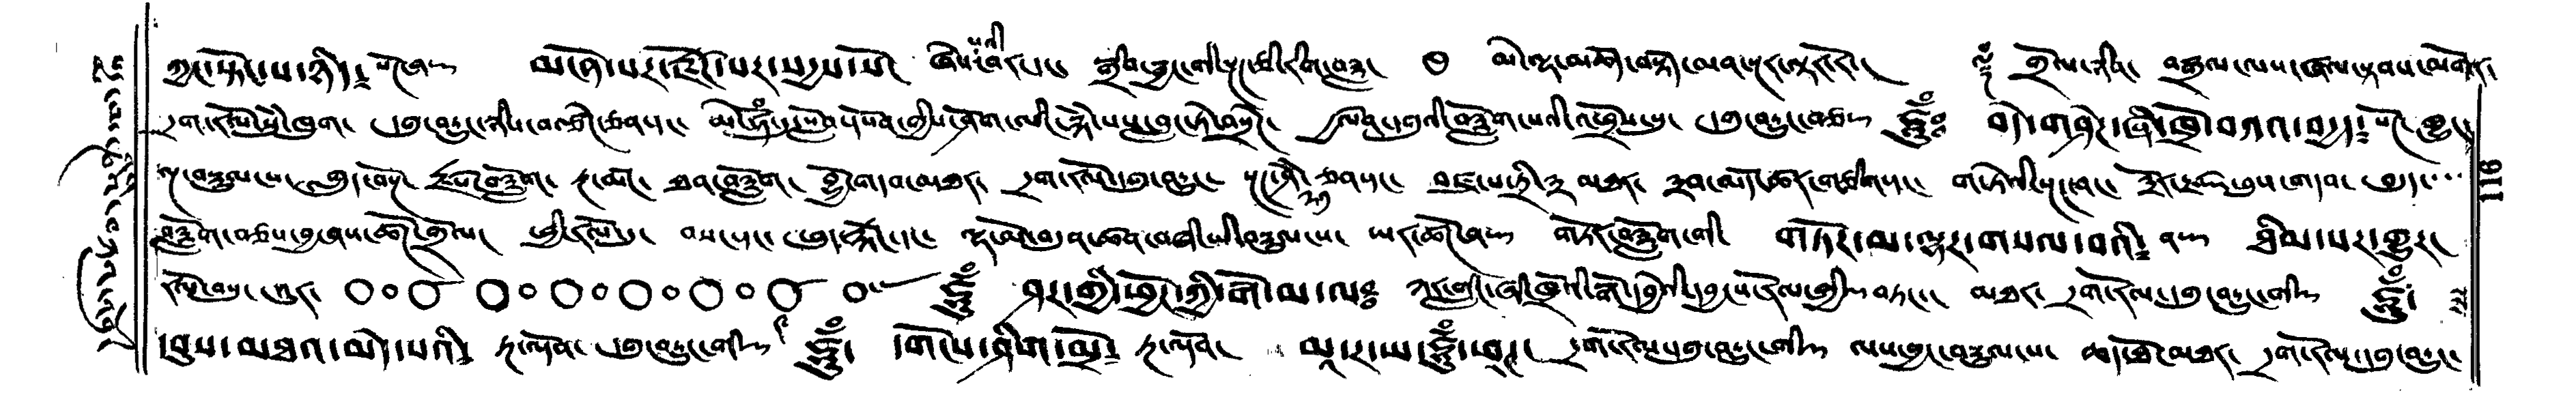༡༡༦༽ ཀྱང་སྟོང་པ་ཉིད༴ སོགས་ནས། མངོན་པར་རྫོགས་པར་སངས་རྒྱས་སོ། ཞེས་པའི་བར་དང་། སྒྲིབ་སྦྱོང་གི་སྔགས་ཅི་རིགས་བཟླ། མེ་ལྷ་མཆོད་བསྟོད་མན་སྔར་ལྟར་རོ། ༈ གྲོལ་ཉིན། སྒྲལ་ལས་ཞལ་བསྟབ་མགོར་
དྲག་རོལ་སུམ་ཁུག དགུ་རྡུང་ཉིས་བརྩེགས་ཅན་དང་། མེ་ཧོམ་དུ་སློབ་དཔོན་གྱིས་ཤོག་ལིང་སྐམ་པས་བླངས་ཏེ་བསྲེག རྒྱལ་མཚན་དགུའི་ཟློག་པའི་འཕྲོས་སུ། དགུ་རྡུང་བཅས། ཧཱུྃཿ བདེ་གཤེགས་ཞི་ཁྲོ་བཀའ་བརྒྱད༴ སོགས། ཁྱུང་
ལྔ་བསྐུལ་པ། གླུད་བསྔོ། རྫས་བཟློག རྔ་མོང་། ཐན་བཟློག བྷྱོ་གདབ་མཐར། དྲག་རོལ་དགུ་བརྡུང་། སྔགས་གཤམ་ཉེར་གཅིག་ཅན་དང་།བཛྲ་པ་ཏྲི་གསུམ། མཐར། ཟབ་མདོ་ཚར་གཅིག་དང་། ག་ཏེའི་སྔགས་ནང་། ཟོར་རྫས་ཕུས་གདབ། བདུད་
ཟློག་བཅས་བྱས་ནས་ཚོགས་གྲོལ། ཕྱི་རོལ་དུ། བསང་དང་། ཕུད་སྐོང་དང་། ལྷ་མོ་བདུན་ཚན་བཞི་ཡི་སྐུལ་པ། ཡར་ཚོགས་ནས། གཏོར་ཟློག་གི གཏོར་མ་ལྷར་གསལ་བའི༴ ནས། ཐིམ་པར་གྱུར། 
རོལ་བསུ། འུར། ཧཱུྃ༔ ཤར་གྱི་ཕྱོགས་ཀྱི་སྒོ་མ་ལ༔ ཀར་གླིང་ཞི་ཁྲོའི་སྒོ་དབྱེའི་དབྱངས་རོལ་གྱིས་གཏང་། མཐར། དྲག་རོལ་དགུ་རྡུང་གིས། ཧཱུྃ༔ ཟ
དབུས་མཐའ་མེད་པའི༴ རྔ་འདོན། དགུ་རྡུང་གིས། ཧཱུྃ༔ དགོངས་ཤིག་མཁའ་འགྲོ༴ རྔ་འདོན། མཱ་ར་ཡ་ཧཱུྃ་ཕཊཿ དྲག་རོལ་དགུ་རྡུང་གིས། ལས་བྱང་སྐུལ་པ། ཆད་ཐོའི་མཐར། དྲག་རོལ་དགུ་རྡུང་གིས།